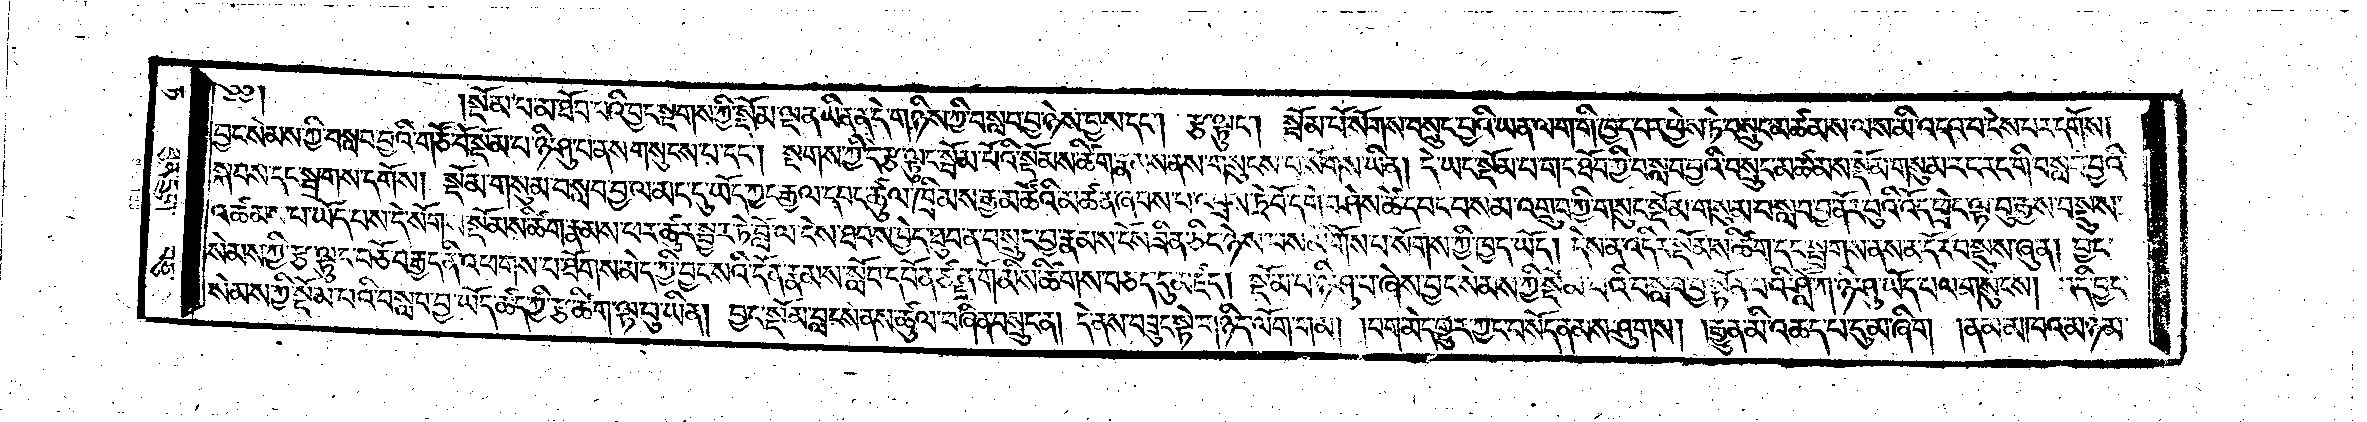༄༅། །སྡོམ་པ་མ་ཐོབ་པའི་བྱང་སྔགས་ཀྱི་སྡོམ་ལྡན་ཡིན་ན་དེ་གཉིས་ཀྱི་བསླབ་བྱ་ཉེས་བྱས་དང་། རྩ་ལྟུང་། སྦོམ་པོ་སོགས་བསྲུང་བྱའི་ཡན་ལག་གི་ཁྱད་པར་ཕྱེས་ཏེ་བསྲུང་མཚམས་ལས་མི་འདའ་བ་ངེས་པར་དགོས།
བྱང་སེམས་ཀྱི་བསླབ་བྱའི་གཙོ་བོ་སྡོམ་པ་ཉི་ཤུ་པ་ནས་གསུངས་པ་དང་། སྔགས་ཀྱི་དེ་རྩ་ལྟུང་སྦམ་པོའི་སྡོམས་ཚིག་རྣམས་ནས་གསུངས་པ་སོགས་ཡིན། དེ་ཡང་སྡོམ་པ་གང་ཐོབ་ཀྱི་བསླབ་བྱའི་བསྲུང་མཚམས་སྡོམ་གསུམ་རང་རང་གི་བསླབ་བྱའི་
སྐབས་དང་སྦྲགས་དགོས། སྡོམ་གསུམ་བསླབ་བྱ་ལ་མང་དུ་ཡོད་ཀྱང་རྒྱལ་དབང་ཚུལ་ཁྲིམས་རྒྱ་མཚོའི་མཚན་ཞབས་པ་འབྲས་ཏྲེ་བོ་དགེ་བཤེས་ཚེ་དབང་བསམ་འགྲུབ་ཀྱི་གསུང་སྡོམ་གསུམ་བསླབ་བྱ་ནོར་བུའི་འོད་ཕྲེང་ལྟ་བུ་རྒྱས་བསྡུས་
འཚམས་པ་ཡོད་པས་དེ་སོགས་སྡོམས་ཚིག་རྣམས་ཕར་ཚུར་སྦྱར་ཏེ་བློ་ལ་ངེས་ཐབས་བྱེད་ཐུབ་ན་བསྲུང་བྱ་རྣམས་ངོས་ཟིན་ཅིང་ཉེས་པས་མི་གོས་པ་སོགས་ཀྱི་ཁྱད་ཡོད། དེས་ན་འདིར་སྡོམས་ཚིག་དང་སྦྲགས་ནས་མདོར་བསྡུས་ཞུ་ན། བྱང་
སེམས་ཀྱི་རྩ་ལྟུང་བཅོ་བརྒྱད་ནི་འཕགས་པ་ཐོགས་མེད་ཀྱི་བྱང་སའི་དོན་རྣམས་སློབ་དཔོན་ཙནྡྲ་གོ་མིས་ཚིགས་བཅད་དུ་མཛད། སྡོམ་པ་ཉི་ཤུ་པ་ཞེས་བྱང་སེམས་ཀྱི་སྡོམ་པའི་བསླབ་བྱ་སྟོན་པའི་ཤOཨོ་ཀ་ཉི་ཤུ་ཡོད་པ་ལ་གསུངས། འདི་བྱང་
སེམས་ཀྱི་སྡོམ་པའི་བསླབ་བྱ་ཡོད་ཚད་ཀྱི་རྩ་ཚིག་ལྟ་བུ་ཡིན། བྱང་སྡོམ་བླངས་ནས་ཚུལ་བཞིན་བསྲུང་ན། དེ་ནས་བཟུང་སྟེ་གཉིད་ལོག་གམ། །བག་མེད་གྱུར་ཀྱང་བསོད་ནམས་ཤུགས། །རྒྱུན་མི་འཆད་པ་དུ་མ་ཞིག །ནམ་མཁའི་མཉམ་